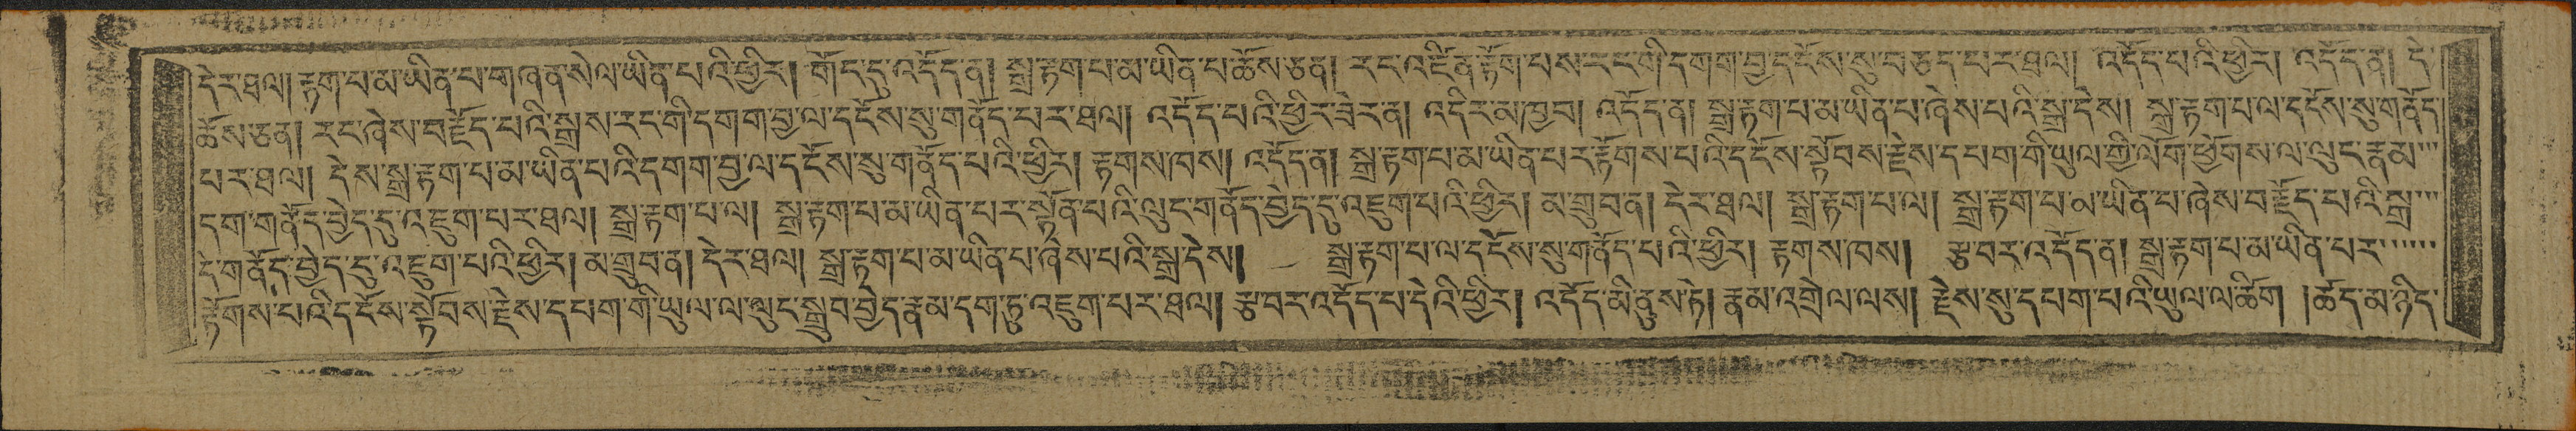དེར་ཐལ། རྟག་པ་མ་ཡིན་པ་གཞན་སེལ་ཡིན་པའི་ཕྱིར། གོང་དུ་འདོད་ན། སྒྲ་རྟག་པ་མ་ཡིན་པ་ཆོས་ཅན། རང་འཛིན་རྟོག་པས་རང་གི་དགག་བྱ་དངོས་སུ་བཅད་པར་ཐལ། འདོད་པའི་ཕྱིར། འདོད་ན། དེ་
ཆོས་ཅན། རང་ཞེས་བརྗོད་པའི་སྒྲས་རང་གི་དགག་བྱ་ལ་དངོས་སུ་གནོད་པར་ཐལ། འདོད་པའི་ཕྱིར་ཟེར་ན། འདིར་མ་ཁྱབ། འདོད་ན། སྒྲ་རྟག་པ་མ་ཡིན་པ་ཞེས་པའི་སྒྲ་དེས། སྒྲ་རྟག་པ་ལ་དངོས་སུ་གནོད་
པར་ཐལ། དེས་སྒྲ་རྟག་པ་མ་ཡིན་པའི་དགག་བྱ་ལ་དངོས་སུ་གནོད་པའི་ཕྱིར། རྟགས་ཁས། འདོད་ན། སྒྲ་རྟག་པ་མ་ཡིན་པར་རྟོགས་པའི་དངོས་སྟོབས་རྗེས་དཔག་གི་ཡུལ་གྱི་ལོག་ཕྱོགས་ལ་ལུང་རྣམ་
དག་གནོད་བྱེད་དུ་འཇུག་པར་ཐལ། སྒྲ་རྟག་པ་ལ། སྒྲ་རྟག་པ་མ་ཡིན་པར་སྟོན་པའི་ལུང་གནོད་བྱེད་དུ་འཇུག་པའི་ཕྱིར། མ་གྲུབ་ན། དེར་ཐལ། སྒྲ་རྟག་པ་ལ། སྒྲ་རྟག་པ་མ་ཡིན་པ་ཞེས་བརྗོད་པའི་སྒྲ་
དེ་གནོད་བྱེད་དུ་འཇུག་པའི་ཕྱིར། མ་གྲུབ་ན། དེར་ཐལ། སྒྲ་རྟག་པ་མ་ཡིན་པ་ཞེས་པའི་སྒྲ་དེས། སྒྲ་རྟག་པ་ལ་དངོས་སུ་གནོད་པའི་ཕྱིར། རྟགས་ཁས། རྩ་བར་འདོད་ན། སྒྲ་རྟག་པ་མ་ཡིན་པར་
རྟོགས་པའི་དངོས་སྟོབས་རྗེས་དཔག་གི་ཡུལ་ལ་ལུང་སྒྲུབ་བྱེད་རྣམ་དག་ཏུ་འཇུག་པར་ཐལ། རྩ་བར་འདོད་པ་དེའི་ཕྱིར། འདོད་མི་ནུས་ཏེ། རྣམ་འགྲེལ་ལས། རྗེས་སུ་དཔག་པའི་ཡུལ་ལ་ཚིག །ཚད་མ་ཉིད་